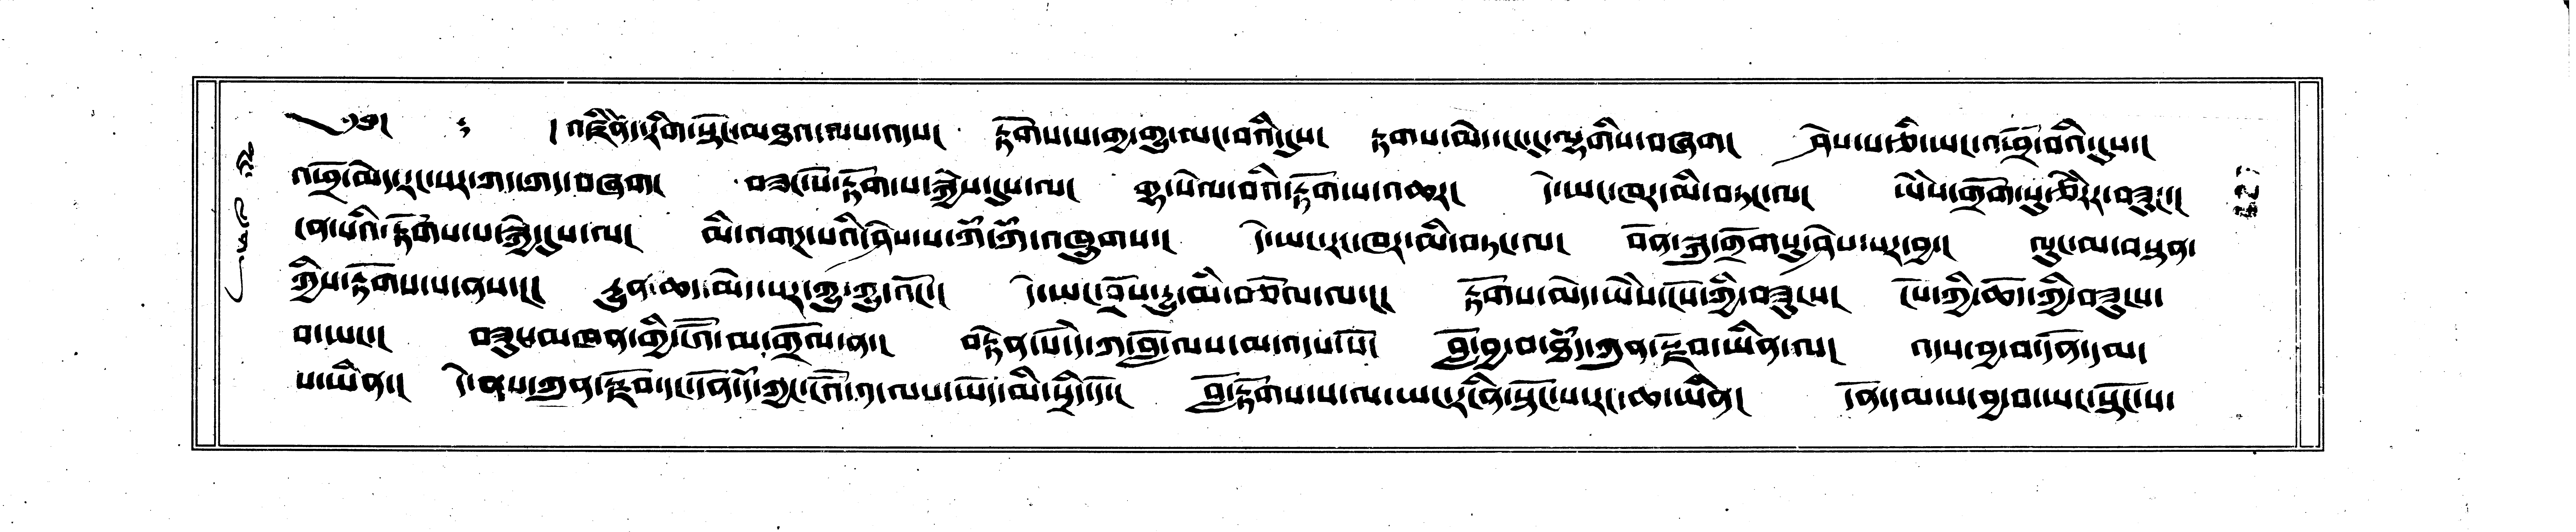འཛིན་མེད་རིག་སྟོང་མཐའ་ལས་འདས། རྟོག་པ་གྱུ་གྱུ་མང་བའི་དུས། རྟོག་མེད་ངང་དུ་ལྷག་ལྷག་བཞག ཤེས་པ་ཅི་ཡང་འཕྲོ་བའི་དུས། 
འཕྲོ་མེད་རང་སར་ཀད་ཀད་བཞག བཟང་པོའི་རྟོག་པ་སྐྱེ་དུས་ལ། དགའ་ཡལ་ལེ་བའི་ཤེས་པ་འཆར། ཡེ་ཤེས་གྲོགས་སུ་ཙིར་ཙིར་བཟུང་། 
ངན་པའི་རྟོག་པ་སྐྱེ་དུས་ལ། མི་དགའ་བའི་ཤེས་པ་ཀྲུག་ཀྲུག་འཁྲུག དེ་ཡང་རང་ཁར་མི་བཏང་ལགས། བོན་སྐུའི་གྲོགས་སུ་ཤེས་པར་བྱ། ལུང་མ་བསྟན་
གྱིས་རྟོག་པ་ལ། རྒྱུན་ཆད་མེད་པར་ཀྱུ་ཀྱུ་འོང་། དེ་ཡང་འཕྲོ་རུ་མི་བཅོལ་ལ། རྟོག་མེད་ཀྱི་ཡེ་ཤེས་ངོས་ཀྱིས་བཟུང་། ངོས་ཀྱི་ཆད་ཀྱིས་བཟུང་
བ་ཡང་། བཟུང་མཁན་གྱིས་ངོའོ་མ་གྲོལ་ན། གཉེན་པོ་དེ་ཀ་བློ་ལས་མ་འདས་སོ། བློ་བྱ་བ་ཐམས་ཅད་ཀུན་རྫོབ་ཡིན་ལ། འདས་བྱ་བ་ནི་དོན་དམ་
ཡིན་ནོ། དེ་ནས་ཀུན་རྫོབ་དང་དོན་དམ་ཡང་ངོའོ་ཅིག་ལས་ཡོད་མི་སྲིད་དོ། བློ་རྟོག་པ་ལ་ཡང་རང་བཞིན་མེད་དེ། སྟོང་པ་རང་ཆས་ཡིན་ནོ། དོན་དམ་བྱ་བ་ཡང་སྟོང་པ་